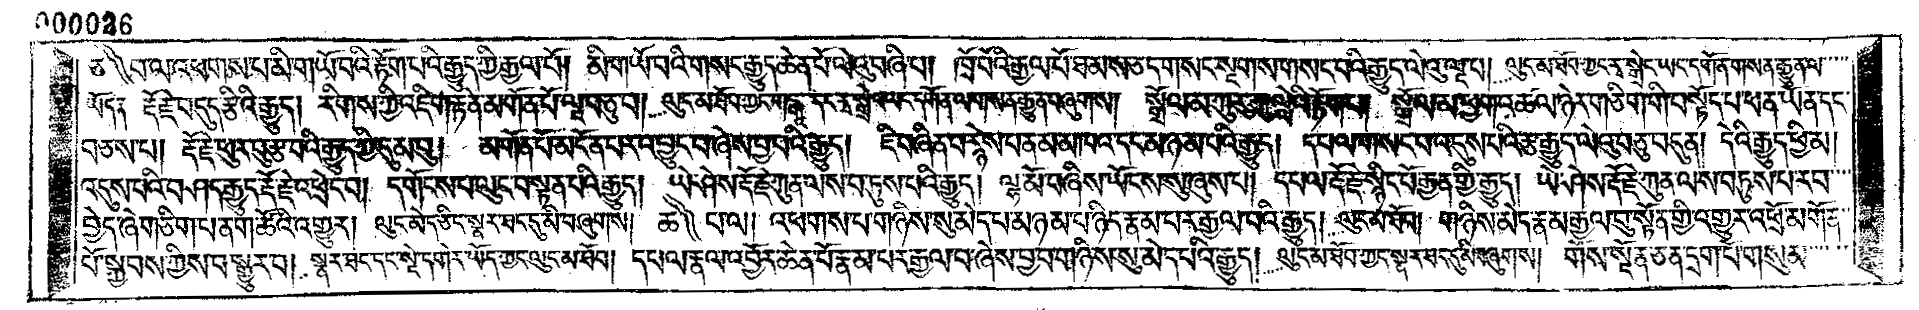ཅ༼༽ བ་ལ་འཕགས་པ་མི་གཡོ་བའི་རྟོག་པའི་རྒྱུད་ཀྱི་རྒྱལ་པོ། མི་གཡོ་བའི་གསང་རྒྱུད་ཆེན་པོ་ལེའུ་བཞི་པ། ཁྲོ་བོའི་རྒྱལ་པོ་ཐམས་ཅད་གསང་སྔགས་གསང་བའི་རྒྱུད་ལེའུ་ལྔ་པ། ལུང་མ་ཐོབ་ཀྱང་རྭ་སྒྲེང་ཡང་དགོན་གསན་རྒྱུན་ལ་
ཡོད༑ རྡོ་རྗེ་བདུད་རྩིའི་རྒྱུད། རིགས་ཀྱི་འཇིག་རྟེན་མགོན་པོ་ལྔ་བཅུ་བ་ལུང་མ་ཐོབ་ཀྱང་གངྒཱ་དང་རྭ་སྒྲེང་ཡང་དགོན་ལགས་ན་རྒྱུན་བཞུགས།  སྒྲོལ་མ་ཀུ་རུ་ཀུ་ལླེའི་རྟོག་པ། སྒྲོལ་མ་ཕྱག་འཚལ་ཉེར་གཅིག་གི་བསྟོད་པ་ཕན་ཡོན་དང་
བཅས་པ། རྡོ་རྗེ་ཕུར་བུ་རྩ་བའི་རྒྱུད་ཀྱི་དུམ་བུ། མགོན་པོ་མངོན་པར་འབྱུང་བ་ཞེས་བྱ་བའི་རྒྱུད། ཇི་བཞིན་བརྙེས་པ་ནམ་མཁའ་དང་མཉམ་པའི་རྒྱུད། དཔལ་གསང་བ་འདུས་པའི་རྩ་རྒྱུད་ལེའུ་བཅུ་བདུན། དེའི་རྒྱུད་ཕྱི་མ།
འདུས་པའི་བཤད་རྒྱུད་རྡོ་རྗེ་འཕྲེང་བ། དགོངས་པ་ལུང་བསྟན་པའི་རྒྱུད། ཡེ་ཤེས་རྡོ་རྗེ་ཀུན་ལས་བ་རུས་པའི་རྒྱུད། ལྷ་མོ་བཞིས་ཡོངས་སུ་ཞུས་པ། དཔལ་རྡོ་རྗེ་སྙིང་པོ་རྒྱན་གྱི་རྒྱུད། ཡེ་ཤེས་རྡོ་རྗེ་ཀུན་ལས་བཏུས་པ་རབ་
བྱེད་ཞེ་གཅིག་པ་ནག་ཚོའི་འགྱུར། ལུང་མེད་ཅིང་སྣར་ཐང་དུ་མི་བཞུགས། ཆ༼༽ པ་ལ། འཕགས་པ་གཉིས་སུ་མེད་པ་མཉམ་པ་ཉིད་རྣམ་པར་རྒྱལ་བའི་རྒྱུད། ལུང་མ་ཐོབ།  གཉིས་མེད་རྣམ་རྒྱལ་བུ་སྟོན་གྱི་འགྱུར་འཕྲོ་མགོན་
པོ་སྐྱབས་ཀྱིས་བསྒྱུར་བ། སྣར་ཐང་དང་སྡེ་དགེར་ཡོད་ཀྱང་ལུང་མ་ཐོབ།  དཔལ་རྣལ་འབྱོར་ཆེན་པོ་རྣམ་པར་རྒྱལ་བ་ཞེས་བྱ་བ་གཉིས་སུ་མེད་པའི་རྒྱུད་ལུང་མ་ཐོབ་ཀྱང་སྣར་ཐང་དུ་མི་བཞུགས།  གོས་སྔོན་ཅན་དྲག་པོ་གསུམ་